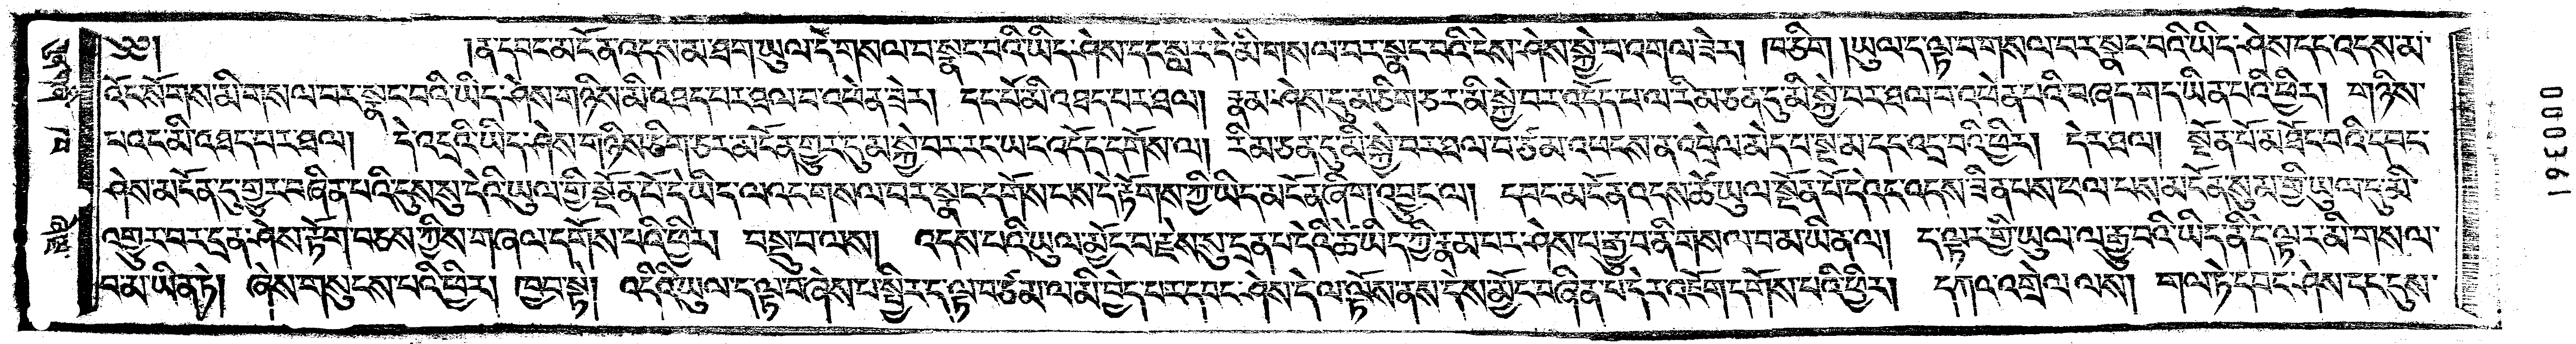༄༅། །ན་དབང་མངོན་འདས་མ་ཐག་ཡུལ་དེ་གསལ་བ་སྣང་བའི་ཡིད་ཤེས་དང་སླར་དེ་མི་གསལ་བར་སྣང་བའི་ངེས་ཤེས་སྐྱེ་བ་འགལ་ཟེར། ཁ་ཅིག །ཡུལ་ད་ལྟ་བ་གསལ་བར་སྣང་བའི་ཡིད་ཤེས་དང་འདས་པ་
འོང་སོགས་མི་གསལ་བར་སྣང་བའི་ཡིད་ཤེས་གཉིས་མི་འཐད་པར་ཐལ་བ་འཕེན་ཟེར། དང་པོ་མི་འཐད་པར་ཐལ། རྣམ་ཤེས་དུ་མ་ཅིག་ཅར་མི་སྐྱེ་པར་འདོད་པ་ལ་རིམ་ཅན་དུ་མི་སྐྱེ་པར་ཐལ་བ་འཕེན་པའི་བཞད་གད་ཡིན་པའི་ཕྱིར། གཉིས་
པའང་མི་འཐད་པར་ཐལ། དེ་འདྲའི་ཡིད་ཤེས་གཉིས་ཅིག་ཅར་མངོན་གྱུར་དུ་མ་སྐྱེ་བར་རང་ཡང་འདོད་དགོས་ལ། རིམ་ཅན་དུ་མི་སྐྱེ་བར་ཐལ་བ་ཙམ་འཕངས་ན་འབྲེལ་མེད་པ་སྔ་མ་དང་འདྲ་བའི་ཕྱིར། དེར་ཐལ། སྔོན་པོ་མཐོང་བའི་དབང་
ཤེས་མངོན་དུ་བྱུང་བཞིན་པའི་དུས་སུ་དེའི་ཡུལ་གྱི་སྔོན་པོ་དེ་ཡིད་ལའང་གསལ་བར་སྣང་དགོས་པས་དེ་རྟོགས་ཀྱི་ཡིད་མངོན་ཞིག་འབྱུང་ལ། དབང་མངོན་འདས་ཚེ་ཡུལ་སྔོན་པ་དེའང་འདས་ཟིན་པས་ཕལ་པས་མངོན་སུམ་གྱི་ཡུལ་དུ་མི་
འགྱུར་པར་དྲན་ཤེས་རྟོག་བཅས་ཀྱིས་གཞལ་དགོས་པའི་ཕྱིར། བསྡུ་བ་ལས། འདས་པའི་ཡུལ་མྱོང་བ་རྗེས་སུ་དྲན་པ་དེའི་ཚེ་ཡིད་ཀྱི་རྣམ་པར་ཤེས་པ་རྒྱུ་བ་ནི་གསལ་བ་མ་ཡིན་ལ། ད་ལྟར་གྱི་ཡུལ་ལ་རྒྱུ་བའི་ཡིད་ནི་དེ་ལྟར་མི་གསལ་
བ་མ་ཡིན་ཏེ། ཞེས་གསུངས་པའི་ཕྱིར། ཁྱབ་སྟེ། འདིའི་ཡུལ་ད་ལྟ་བ་ཞེས་པ་སྤྱིར་ད་ལྟ་བ་ཙམ་ལ་མི་བྱེད་པར་དབང་ཤེས་དེ་ལ་ལྟོས་ནས་དེས་མྱོང་བཞིན་པ་དེར་འཇོག་དགོས་པའི་ཕྱིར། དཀའ་འགྲེལ་ལས། གལ་ཏེ་དབང་ཤེས་དང་དུས་